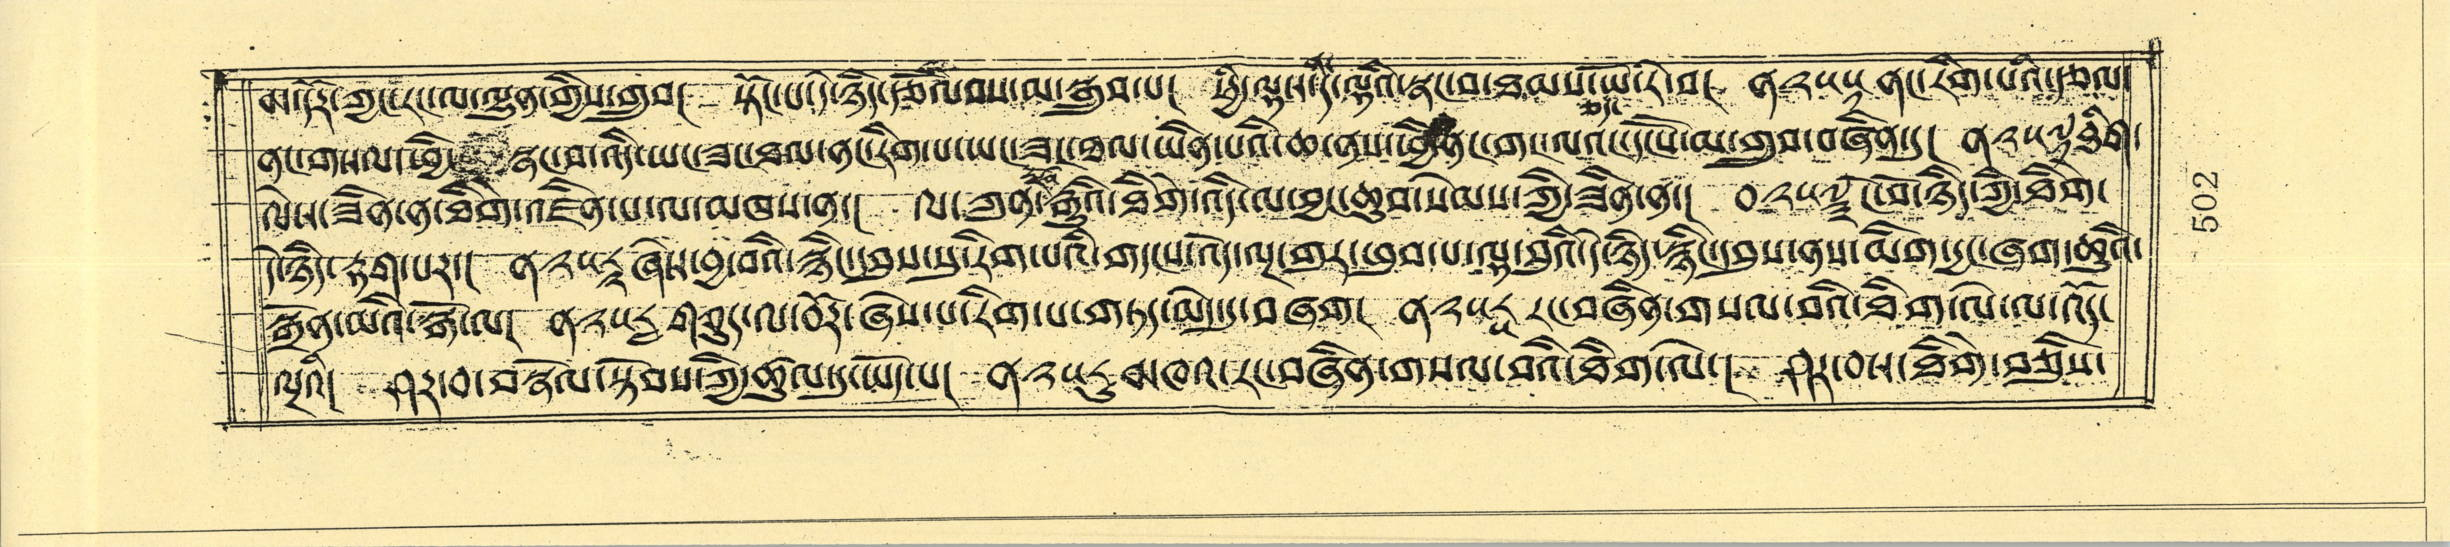༼མ་དོར༽བར་རང་ལ་ལྷུན་གྱིས་གྲུབ་༼སྟོང་པ༽དེ་ཉིད་རྩོལ་བས་མ་སྒྲུབ་པ་༼ཕྱི་བལྟས་ན༽ད་ལྟའི་སྣང་བ་ཐམས་ཅད་ཡོ་རེ་བ་ན༢༥༥།༡༼ནང༽རིག་པའི་རྩལ་
ནང་གསལ་ཕྱི་སྣང་བ་འདི་ཡང་ཟང་ཐལ་ནང་རིག་པ་ཡང་ཟང་ཐལ་ཡིན་པའི་ཆ་ནས་ཕྱི་ནང་གང་ལའང་དངོས་པོ་མ་གྲུབ་བཞིན་དུ་ན༢༥༧།༡༼ཐིག་
ལེས༽ཟིན་ན་ཐིག་ལེ་འཛིན་པ་ལ་མཁས་ན་༼ལ༽ཀུན་རྫོབ་རྒྱུའི་ཐིག་ལེ་འདི་ལ་བྱང་ཆུབ་སེམས་ཀྱིས་ཟིན་ན་བ༢༥༧།༣ངོ་བོ་ཉིད་ཀྱི་ཐིག་ལེ་
དེ་ཉིད་༼རྟག་པར༽ན༢༥༨།༢༼ཞེས་བྱ་བའི༽སྙིང་དབུས་སུ་རིག་པའི་གདངས་འོད་ལྔ་གུར་ཕུབ་པ་ལྟ་བུའི་དེ་ཉིད་སྙིང་དབུས་ནས་མིག་རྒྱང་ཞགས་ཆུའི་
སྒྲོན་མའི་སྒོ་ལ། ན༢༥༨།༤༼གཅུད་ལ་བོར༽ཞེས་པ་རིག་པ་གཏད་མེད་དུ་བཞག་ན༢༥༨།༥ རང་བཞིན་གསལ་བའི་ཐིག་ལེ་༼ལ་འོད་
ལྔའི་ཤར་བ༽བསྣོལ་སྟོབས་ཀྱི་ཚུལ་དུ་ཡོད་པ་ན༢༥༨།༦༼མཁའ༽རང་བཞིན་གསལ་བའི་ཐིག་ལེ་༼ཤར་བས༽ཐིག་ལེ་བཅུ་གཉིས་